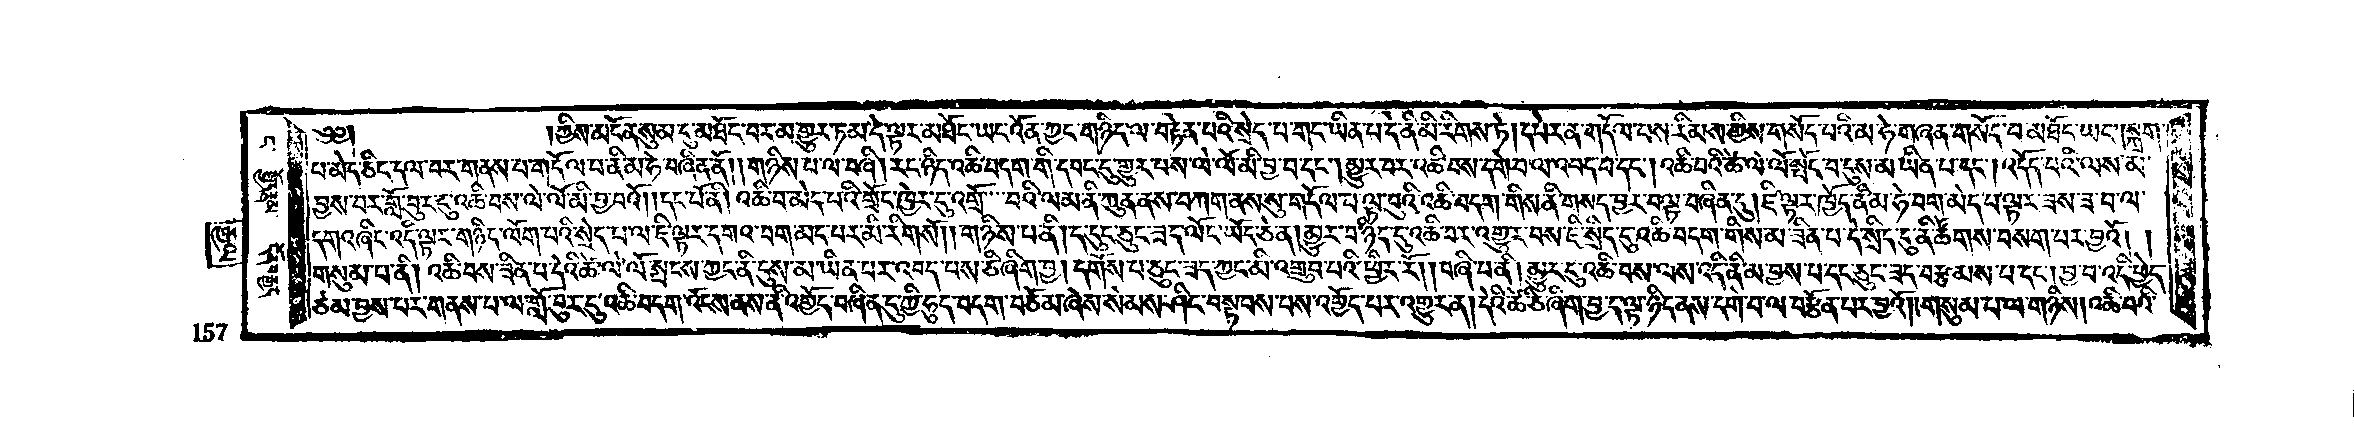༄༅། །ཀྱིས་མངོན་སུམ་དུ་མཐོང་བར་མ་གྱུར་ཐམ་དེ་ལྟར་མཐོང་ཡང་འོན་ཀྱང་གཉིད་ལ་བརྟེན་པའི་སྲིད་པ་གང་ཡིན་པ་དེ་ནི་མི་རིགས་ཏེ། དཔེར་ན་གདོལ་བས་རིམས་གྱིས་གསོད་པའི་མ་ཧེ་གཞན་གསོད་པ་མཐོང་ཡང་། སྐྲག་
པ་མེད་ཅིང་དལ་བར་གནས་པ་གདོལ་པ་ནི་མ་ཧེ་བཞིན་ནོ། །གཉིས་པ་ལ་བཞི། རང་ཉིད་འཆི་བདག་གི་དབང་དུ་གྱུར་པས་ལེ་ལོ་མི་བྱ་བ་དང་། མྱུར་བར་འཆི་བས་དགེ་བ་ལ་འབད་པ་དང་། འཆི་བའི་ཚེ་ལེ་ལོ་སྤོང་བ་དུས་མ་ཡིན་པ་དང་། འདོད་པའི་ལས་མི་
བྱས་པར་གློ་བུར་དུ་འཆི་བས་ལེ་ལོ་མི་བྱ་བའོ། །དང་པོ་ནི། འཆི་བ་མེད་པའི་གྲོང་ཁྱེར་དུ་འགྲོ་བའི་ལམ་ནི་ཀུན་ནས་བཀག་ནས་སུ་གདོལ་པ་ལྟ་བུའི་འཆི་བདག་གིས་ནི་བསད་བྱར་བལྟ་བཞིན་དུ། ཇི་ལྟར་ཁྱོད་ནི་མ་ཧེ་བག་མེད་པ་ལྟར་ཟས་ཟ་བ་ལ་
དགའ་ཞིང་འདི་ལྟར་གཉིད་ལོག་པའི་སྲེད་པ་ལ་ཇི་ལྟར་དགའ་བག་མེད་པར་མི་རིགས་སོ། །གཉིས་པ་ནི། ད་དུང་ཅུང་ཟད་ལོང་ཡོད་ཅེ་ན། མྱུར་བ་ཉིད་དུ་འཆི་བར་འགྱུར་བས་ཇི་སྲིད་དུ་འཆི་བདག་གིས་མ་ཟིན་པ་དེ་སྲིད་དུ་ནི་ཚོགས་བསག་པར་བྱའོ། །
གསུམ་པ་ནི། འཆི་བས་ཟིན་པ་དེའི་ཚེ་ལེ་ལོ་སྤངས་ཀྱང་ནི་དུས་མ་ཡིན་པར་འབད་པས་ཅི་ཞིག་བྱ། དགོས་པ་ཅུང་ཟད་ཀྱང་མི་འགྲུབ་པའི་ཕྱིར་རོ། །བཞི་པ་ནི། མྱུར་དུ་འཆི་བས་ལས་འདི་ནི་མ་བྱས་པ་དང་ཅུང་ཟད་བརྩམས་པ་དང་། བྱ་བ་འདི་ཕྱེད་
ཙམ་བྱས་པར་གནས་པ་ལ་གློ་བུར་དུ་འཆི་བདག་འོངས་ནས་ནི་འགྱོད་བཞིན་དུ་ཀྱི་ཧུད་བདག་བཅོམ་ཞེས་སེམས་ཤིང་བསྟབས་པས་འགྱོད་པར་འགྱུར་ན། དེའི་ཚེ་ཅི་ཞིག་བྱ་ད་ལྟ་ཉིད་ནས་དགེ་བ་ལ་བརྩོན་པར་བྱའོ། །གསུམ་པ་ལ་གཉིས། འཆི་བའི་